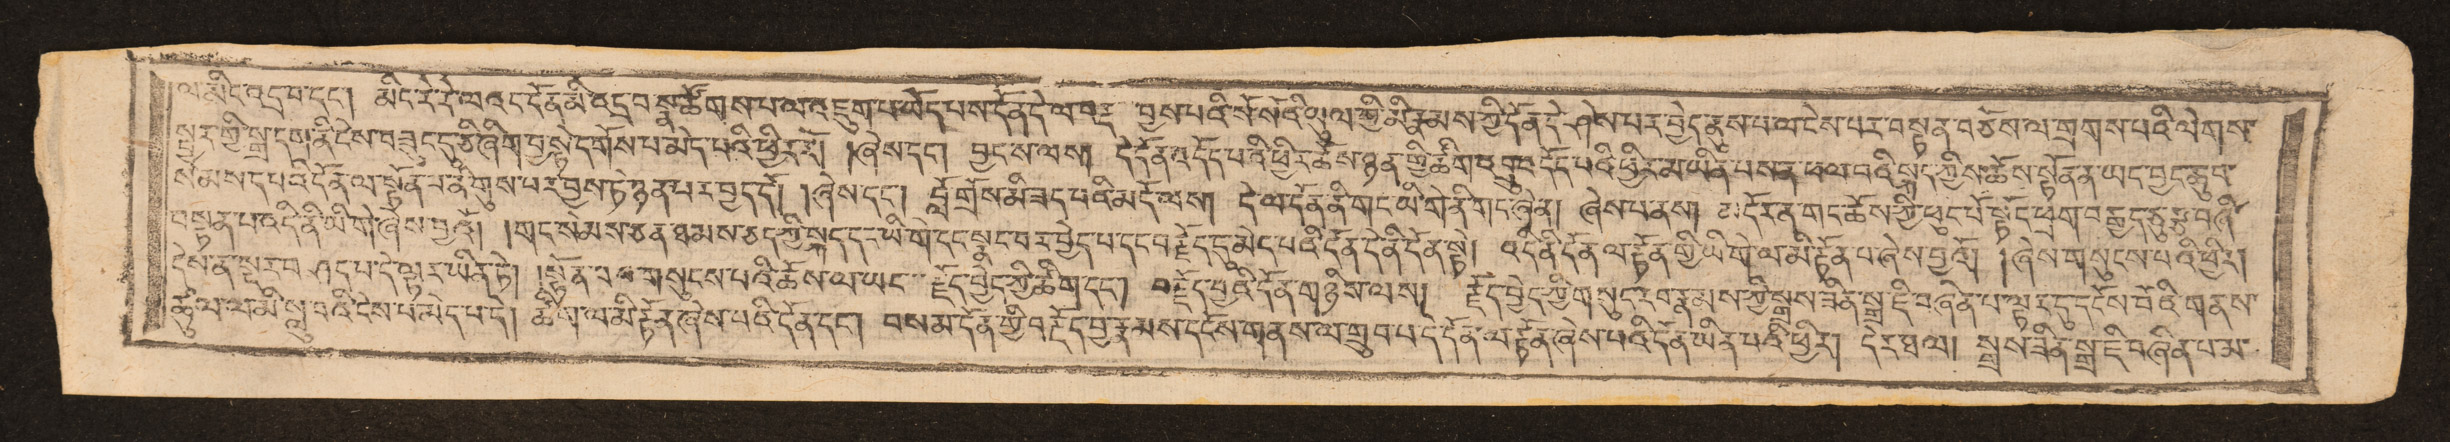ལ་མིང་འདྲ་བ་དང་། མིང་རེ་རེ་ལའང་དོན་མི་འདྲ་བ་སྣ་ཚོགས་པ་ལ་འཇུག་པ་ཡོད་བས་དོན་དེ་ལ་བརྡ་བྱས་པའི་སོ་སོའི་ཡུལ་གྱི་མི་རྣམས་ཀྱི་དོན་དེ་ཤེས་པར་བྱེད་ནུས་པ་ལ་ངེས་པར་བསྟན་བཅོས་ལ་གྲགས་པའི་ལེགས་
སྦྱར་གྱི་སྒྲ་ངག་ནི་ངེས་བཟུང་དུ་ཅི་ཞིག་བྱ་སྟེ་དགོས་པ་མེད་པའི་ཕྱིར་རོ། །ཞེས་དང་། བྱང་ས་ལས། དེ་དོན་འདོད་པའི་ཕྱིར་ཆོས་ཉན་གྱི་ཚིག་འབྲུ་འདོད་པའི་ཕྱིར་མ་ཡིན་པས་ན་ཕལ་བའི་སྐད་ཀྱིས་ཆོས་སྟོན་ན་ཡང་བྱང་ཆུབ་
སེམས་དཔའི་དོན་ལ་སྟོན་པ་ནི་གུས་པར་བྱས་ཏེ་ཉན་པར་བྱེད་དོ། །ཞེས་དང་། བློ་གྲོས་མི་ཟད་པའི་མདོ་ལས། དེ་ལ་དོན་ནི་གང་ཡི་གེ་ནི་གང་ཞེ་ན། ཞེས་པ་ནས། མདོར་ན་གང་ཆོས་ཀྱི་ཕུང་པོ་སྟོང་ཕྲག་བརྒྱད་ཅུ་རྩ་བཞི་
བསྟན་པ་འདི་ནི་ཡི་གེ་ཞེས་བྱའོ། །གང་སེམས་ཅན་ཐམས་ཅད་ཀྱི་སྐད་དང་ཡི་གེ་དང་སྣང་བར་བྱེད་པ་དང་བརྗོད་དུ་མེད་པའི་དོན་དེ་ནི་དོན་སྟེ། འདི་ནི་དོན་ལ་རྟོན་གྱི་ཡི་གེ་ལ་མི་རྟོན་པ་ཞེས་བྱའོ། །ཞེས་གསུངས་པའི་ཕྱིར།
དེས་ན་སྔར་བཤད་པ་དེ་ལྟར་ཡིན་ཏེ། །སྟོན་པས་གསུངས་པའི་ཆོས་ལ་ཡང་རྗོད་བྱེད་ཀྱི་ཚིག་དང་། བརྗོད་བྱའི་དོན་གཉིས་ལས། རྗོད་བྱེད་ཀྱི་གསུང་རབ་རྣམས་ཀྱི་སྒྲས་ཟིན་སྒྲ་ཇི་བཞིན་པ་ལྟར་དུ་དངོས་པོའི་གནས་
ཚུལ་ལ་མི་སླུ་བའི་ངེས་པ་མེད་པ་དེ། ཚིག་ལ་མི་རྟོན་ཞེས་པའི་དོན་དང་། བསམ་དོན་གྱི་བརྗོད་བྱ་རྣམས་དངོས་གནས་ལ་གྲུབ་པ་དེ་དོན་ལ་རྟོན་ཞེས་པའི་དོན་ཡིན་པའི་ཕྱིར། དེར་ཐལ། སྒྲས་ཟིན་སྒྲ་ཇི་བཞིན་པ་མ་